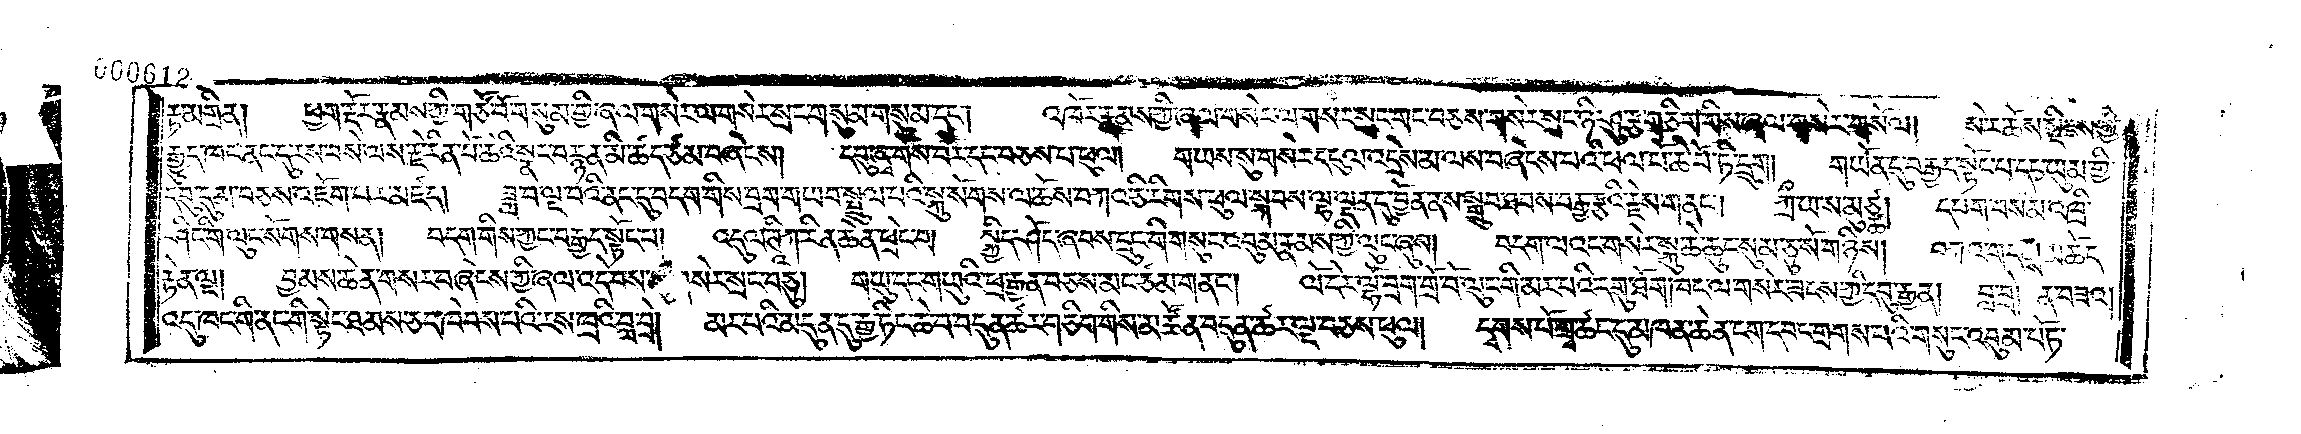རྟ་མགྲིན། ཕྱག་རྡོར་རྣམས་ཀྱི་གཙོ་བོ་གསུམ་གྱི་ཞལ་གསེར་ལ་གསེར་སྲང་གསུམ་གསུམ་དང་། འཁོར་རྣམས་ཀྱི་ཞལ་གསེར་ལ་གསེར་སྲང་གང་བཅས་གསེར་སྲང་ཉི་ཤུ་རྩ་གཅིག་གིས་ཞལ་གསེར་གསོལ། སེ་ར་ཆོས་སྡིངས་ཀྱི་
རྒྱུད་ཁང་ནང་དུ་རས་བསེ་ལས་རྗེ་རིན་པོ་ཆེའི་སྣང་བརྙན་མི་ཚད་ཙམ་བཞེངས། དབུ་ཞྭ་གོས་བེར་དང་བཅས་པ་ཕུལ། གཡས་སུ་གསེར་དངུལ་འདྲེས་མ་ལས་བཞེངས་པའི་ཕལ་པོ་ཆེ་པོ་ཏི་དྲུག། གཡོན་དུ་བརྒྱད་སྟོང་པ་དང་ཡུམ་གྱི་
དབུ་དུམ་བཅས་འཇོག་པར་མཛད། ཟླ་བ་ལྔ་བའི་ནང་དུ་བདག་གིས་བྲག་གཡབ་སྤྲུལ་པའི་སྐུ་སོགས་ལ་ཆོས་བཀའ་ཅི་རིགས་ཕུལ་སྐབས་ལྷ་ལྡན་དུ་བྱོན་ནས་སྒྲུབ་ཐབས་བརྒྱ་རྩའི་རྗེས་གནང་། ཀྲྀ་ཡ་ས་མུཙྪ། དཔག་བསམ་འཁྲི་
ཤིང་གི་ལུང་སོགས་གསན། བདག་གིས་ཀྱང་བརྒྱད་སྟོང་པ། འདུལ་ཊཱིཀ་རིན་ཆེན་ཕྲེང་བ། སྐྱིད་ཤོད་ཞབས་དྲུང་གི་གསུང་འབུམ་རྣམས་ཀྱི་ལུང་ཞུས། བདག་ལའང་གསེར་སྐུ་ཆེ་ཆུང་སུམ་ཅུ་སོ་གཉིས། བཀའ་གདམས་མཆོད་
རྟེན་ལྔ། བྱམས་ཆེན་གསར་བཞེངས་ཀྱི་ཞལ་འདེབས་སུ་གསེར་སྲང་བཅུ། གཡུ་དང་གཡུའི་ཕྲ་རྒྱན་བཅས་མང་ཙམ་གནང་། ལོ་དེར་ལྷོ་བྲག་གྲོ་བོ་ལུང་གི་མར་པའི་དགུ་ཐོག་ཁང་ལ་གསེར་ཟངས་ཀྱི་དབུ་རྒྱན། བླ་བྲེ། ན་བཟའ།
འདུ་ཁང་གི་ནང་གི་སྟེང་ཐམས་ཅད་ཁེབས་པའི་རས་ཁྲའི་བླ་བྲེ། མར་པའི་མདུན་དུ་རྒྱ་ཏིང་ཆེ་བ་བདུན་ཚར་གཅིག་གིས་མཚོན་བདུན་ཚར་ལྔ་བཅས་ཕུལ། དྭགས་པོ་གྲྭ་ཚང་དུ་མཁན་ཆེན་ངག་དབང་གྲགས་པའི་གསུང་འབུམ་པོ་ཏ་